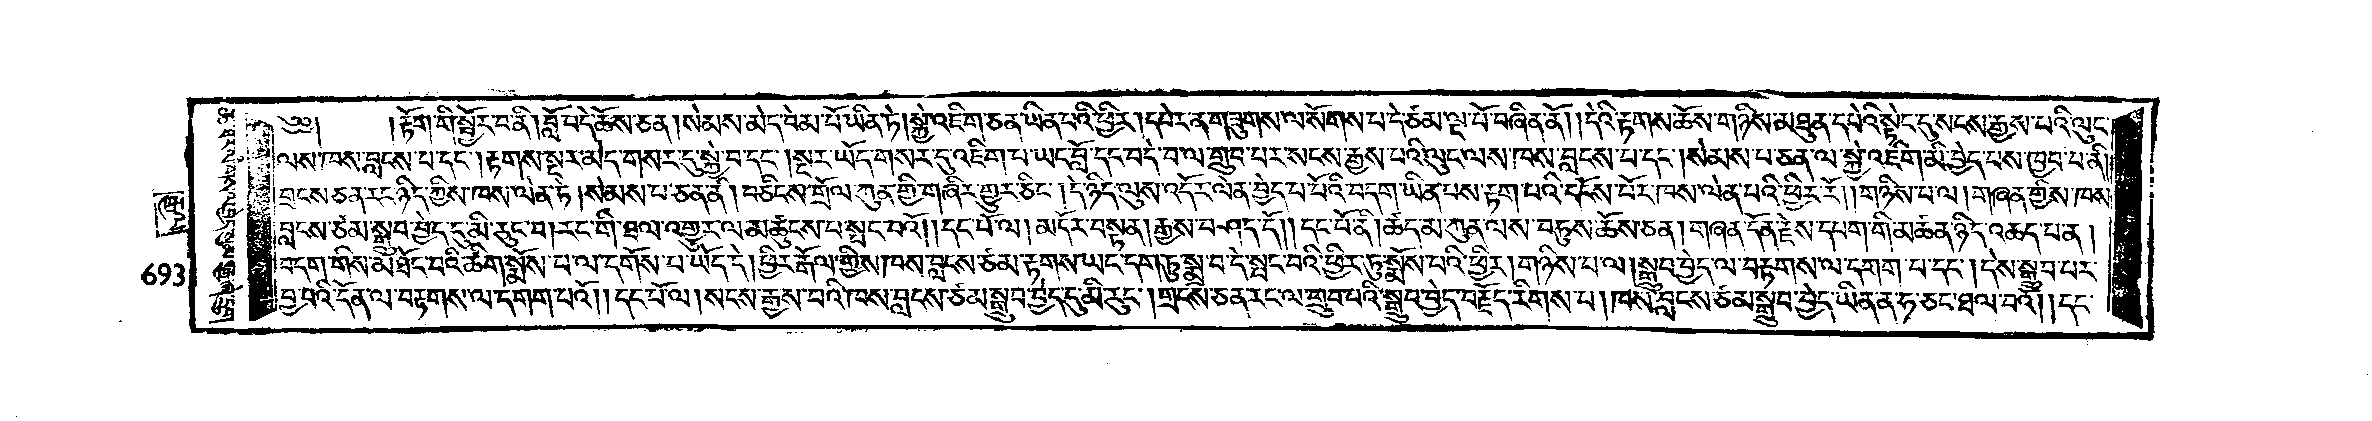༄༅། །རྟོག་གི་སྦྱོར་བ་ནི། བློ་བདེ་ཆོས་ཅན། སེམས་མེད་བེམ་པོ་ཡིན་ཏེ། སྐྱེ་འཇིག་ཅན་ཡིན་པའི་ཕྱིར། དཔེར་ན་གཟུགས་ལ་སོགས་པ་དེ་ཙམ་ལྔ་པོ་བཞིན་ནོ། །དེའི་རྟགས་ཆོས་གཉིས་མཐུན་དཔེའི་སྟེང་དུ་སངས་རྒྱས་པའི་ལུང་
ལས་ཁས་བླངས་པ་དང་། རྟགས་སྔར་མེད་གསར་དུ་སྐྱེ་བ་དང་། སྔར་ཡོད་གསར་དུ་འཇིག་པ་ཡང་བློ་དང་བདེ་བ་ལ་གྲུབ་པར་སངས་རྒྱས་པའི་ལུང་ལས་ཁས་བླངས་པ་དང་། སེམས་པ་ཅན་ལ་སྐྱེ་འཇིག་མི་བྱེད་པས་ཁྱབ་པ་ནི།
གྲངས་ཅན་རང་ཉིད་ཀྱིས་ཁས་ལེན་ཏེ། སེམས་པ་ཅན་ནི། བཅིངས་གྲོལ་ཀུན་གྱི་གཞིར་གྱུར་ཅིང་། དེ་ཉིད་ལུས་འདོར་ལེན་བྱེད་པ་པོའི་བདག་ཡིན་པས་རྟག་པའི་དངོས་པོར་ཁས་ལེན་པའི་ཕྱིར་རོ། །གཉིས་པ་ལ། གཞན་གྱིས་ཁས་
བླངས་ཙམ་སྒྲུབ་བྱེད་དུ་མི་རུང་བ། རང་གི་ཐལ་འགྱུར་ལ་མཚུངས་པ་སྤང་བའོ། །དང་པོ་ལ། མདོར་བསྟན། རྒྱས་བཤད་དོ། །དང་པོ་ནི། ཚད་མ་ཀུན་ལས་བཏུས་ཆོས་ཅན། གཞན་དོན་རྗེས་དཔག་གི་མཚན་ཉིད་འཆད་པ་ན།
བདག་གིས་མཐོང་བའི་ཚིག་སྨོས་པ་ལ་དགོས་པ་ཡོད་དེ། ཕྱིར་རྒོལ་གྱིས་ཁས་བླངས་ཙམ་རྟགས་ཡང་དག་ཏུ་སྨྲ་བ་དེ་སྤང་བའི་ཕྱིར་ཏུ་སྨོས་པའི་ཕྱིར། གཉིས་པ་ལ། སྒྲུབ་བྱེད་ལ་བརྟགས་ལ་དགག་པ་དང་། དེས་སྒྲུབ་པར་
བྱ་བའི་དོན་ལ་བརྟགས་ལ་དགག་པའོ། །དང་པོ་ལ། སངས་རྒྱས་པའི་ཁས་བླངས་ཙམ་སྒྲུབ་བྱེད་དུ་མི་རུང་། གྲངས་ཅན་རང་ལ་གྲུབ་པའི་སྒྲུབ་བྱེད་བརྗོད་རིགས་པ། ཁས་བླངས་ཙམ་སྒྲུབ་བྱེད་ཡིན་ན་ཧ་ཅང་ཐལ་བའོ། །དང་